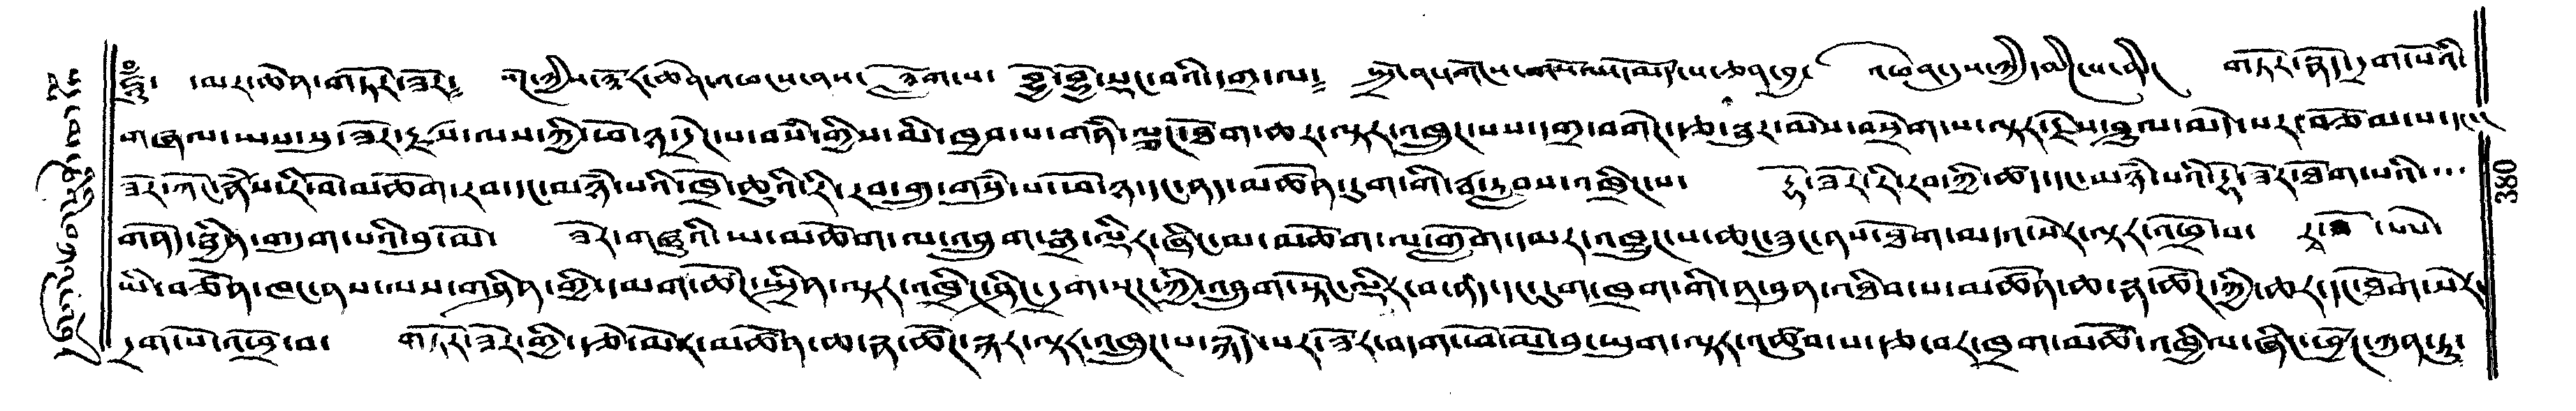ཧཱུྃ། དམར་ཆེན་གཏོར་ཟོར༴ སོགས་ཀྱིས་ཟོར་ཆེན་འཕངས་ནས། ཟློག་པ། བྷྱོ་བྷྱོ་སྡང་བའི་དགྲ་ལ༴ སྤྲོ་ན་དགོངས་གསོལ་དམོད་པ་ཅན་བྱ། འཕེན་དུས་ཀྱི་དམིགས་པ་ནི། གཏོར་སྣོད་དྲག་པོའི་
གཞལ་ཡས་སུ་ཟོར་རྫས་ལས་ཀྱི་ཕོ་ཉ་དྲེགས་པ་བསམ་གྱིས་མི་ཁྱབ་པ་གནམ་ལྕགས་ཐོག་ཆར་ལྟར་འཁྲུགས་པས་དགྲ་བགེགས་རྩ་སྦུར་མེས་བསྲེག་པ་ལྟར་རྗེས་ཤུལ་མེད་པར་བཅོམ་པ་དང་
ཟོར་ཀོང་རྣམས་རི་བོ་མཆོག་རབ་དང་མཉམ་པའི་ཁྲོ་ཆུའི་རི་རབ་གྲུ་གསུམ་པ་ཕོ་ཉ་དང་ནད་མཚོན་དུག་གི་རྦ་རླབས་འཁྲིགས་པ།རྡོ་ཟོར་རི་རབ་ཀྱི་ཚད་དང་མཉམ་པའི་རྡོ་ཟོར་ཐོགས་པའི་
་སྦྱིན་གདུག་པའི་བུ་མོ། ཟོར་གཞུའི་ཡ་མཆོག་ལ་འབྲུག་སྒྲ་ལྡིར་ཞིང་མ་མཆོག་ལ་གློག་དམར་འཁྱུག་པའི་ཆང་གཟུང་ནས་ཐོག་མདའ་སེར་ལྟར་འཕྲོ་བ། རྭ་ཟོར་ཨེ་
ཡི་བཙོན་ཁང་ནས་ལས་གཤིན་གྱི་དམག་ཚོགས་སྤྲིན་ལྟར་འཁྲིགས་ཤིང་དྲག་སྔགས་ཀྱི་འབྲུག་སྟོང་ལྡིར་བ། ནད་དང་དུག་ཁྲག་གི་ན་བུན་འཐིབ་པ། མཚོན་ཆ་སྣ་ཚོགས་ཀྱི་ཆར་དང་ཐོག་སེར་
དྲག་པོ་འཕྲོ་བ། གཏོར་ཟོར་གྱི་རྩེ་མོར་མཚོན་ཆ་སྣ་ཚོགས་སྐར་ལྟར་འཁྲུགས་པ། སྐེད་པར་ཟོར་བདག་ཕོ་མོ་བུ་ཡུག་ལྟར་འཚུབ་པ་རྩ་བར་ཁྲག་མཚོ་འཁྱིལ་ཞིང་ཕྱོགས་ཀུན་ཏུ་